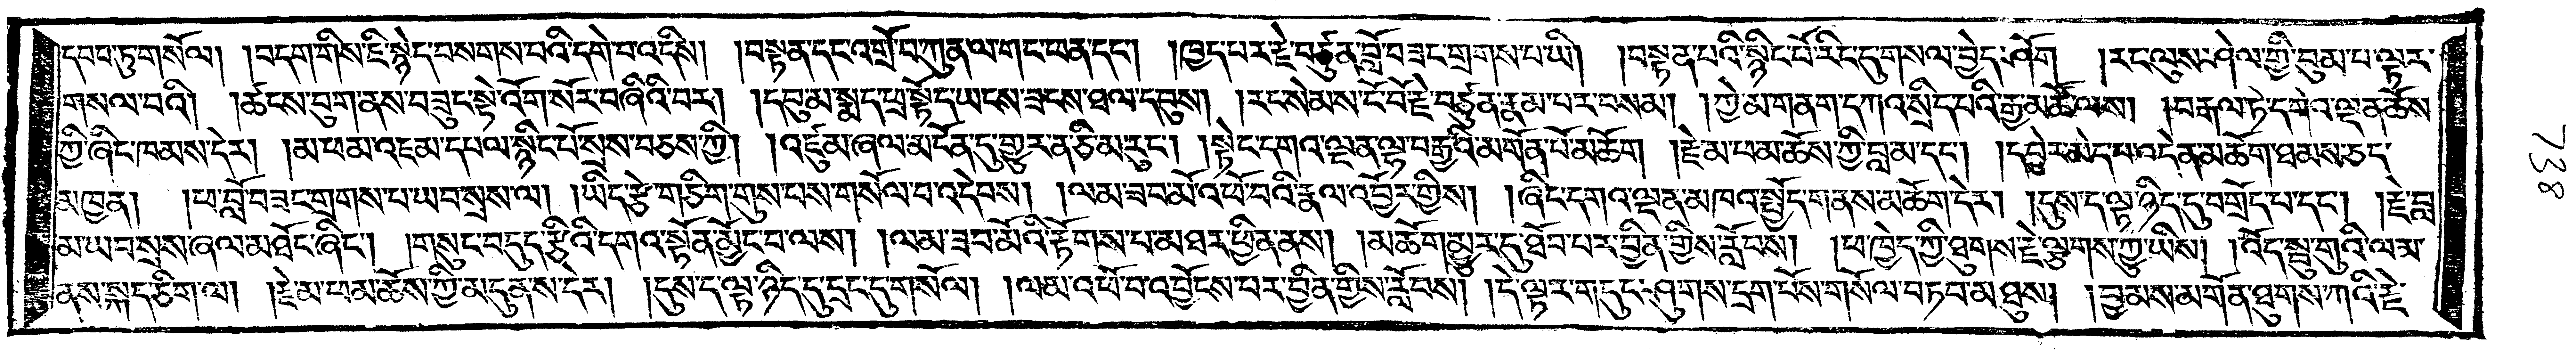དབབ་ཏུ་གསོལ། །བདག་གིས་ཇི་སྙེད་བསགས་བའི་དགེ་བ་འདིས། །བསྟན་དང་འགྲོ་བ་ཀུན་ལ་གང་ཕན་དང་། །ཁྱད་པར་རྗེ་བཙུན་བློ་བཟང་གྲགས་པ་ཡི། །བསྟན་པའི་སྙིང་པོ་རིང་དུ་གསལ་བྱེད་ཤོག །རང་ལུས་ཤེལ་གྱི་བུམ་པ་ལྟར་
གསལ་བའི། །ཚངས་བུག་ནས་བཟུང་སྟེ་འོག་སོར་བཞིའི་བར། །དབུམ་སྨད་ཕྲ་སྟོད་ཡངས་ཟངས་ཐལ་དབུས། །རང་སེམས་ངོ་བོ་རྗེ་བཙུན་རྣམ་པར་བསམ། །ཀྱེ་མ་གནད་དཀའ་སྲིད་པའི་རྒྱ་མཚོ་ལས། །བརྒལ་ཏེ་དགའ་ལྡན་ཆོས་
ཀྱི་ཞིང་ཁམས་དེར། །མ་ཕམ་འཇམ་དཔལ་སྙིང་པོ་སྲས་བཅས་ཀྱི། །འཛུམ་ཞལ་མངོན་དུ་གྱུར་ན་ཅི་མེ་རུང་། །སྟེང་དགའ་ལྡན་ལྷ་བརྒྱའི་མགོན་པོ་མཆོག །རྗེ་མ་ཕམ་ཆོས་ཀྱི་བླ་མ་དང་། །དབྱེར་མེད་པ་འདྲེན་མཆོག་ཐམས་ཅད་
མཁྱེན། །ཕ་བློ་བཟང་གྲགས་པ་ཡབ་སྲས་ལ། །ཡིད་རྩེ་གཅིག་གུས་པས་གསོལ་བ་འདེབས། །ལམ་ཟབ་མོ་འཕོ་བའི་རྣལ་འབྱོར་གྱིས། །ཞིང་དགའ་ལྡན་མཁའ་སྤྱོད་གནས་མཆོག་དེར། །དུས་ད་ལྟ་ཉིད་དུ་བགྲོད་པ་དང་། །རྗེ་བླ་
མ་ཡབ་སྲས་ཞལ་མཐོང་ཞིང་། །གསུང་བདུད་རྩིའི་དགའ་སྟོན་མྱོང་བ་ལས། །ལམ་ཟབ་མའི་རྟོགས་པ་མཐར་ཕྱིན་ནས། །མཆོག་མྱུར་དུ་ཐོབ་པར་བྱིན་གྱིས་རློབས། །པ?་ཁྱེད་ཀྱི་ཐུགས་རྗེ་ལྕགས་ཀྱུ་ཡིས། །འོད་སྦུ་གུའི་ལམ་
ནས་སྐད་ཅིག་ལ། །རྗེ་མ་ཕམ་ཆོས་ཀྱི་མདུན་ས་དེར། །དུས་ད་ལྟ་ཉིད་དུ་དྲང་དུ་གསེལ། །ལམ་འཕེ་བ་འབྱོངས་པར་བྱིན་གྱིས་རློབས། །དེ་ལྟར་གདུང་ཤུགས་དྲག་པོས་གསོལ་བཏབ་མཐུས། །བྱམས་མགོན་ཐུགས་ཀའི་རྗེ་